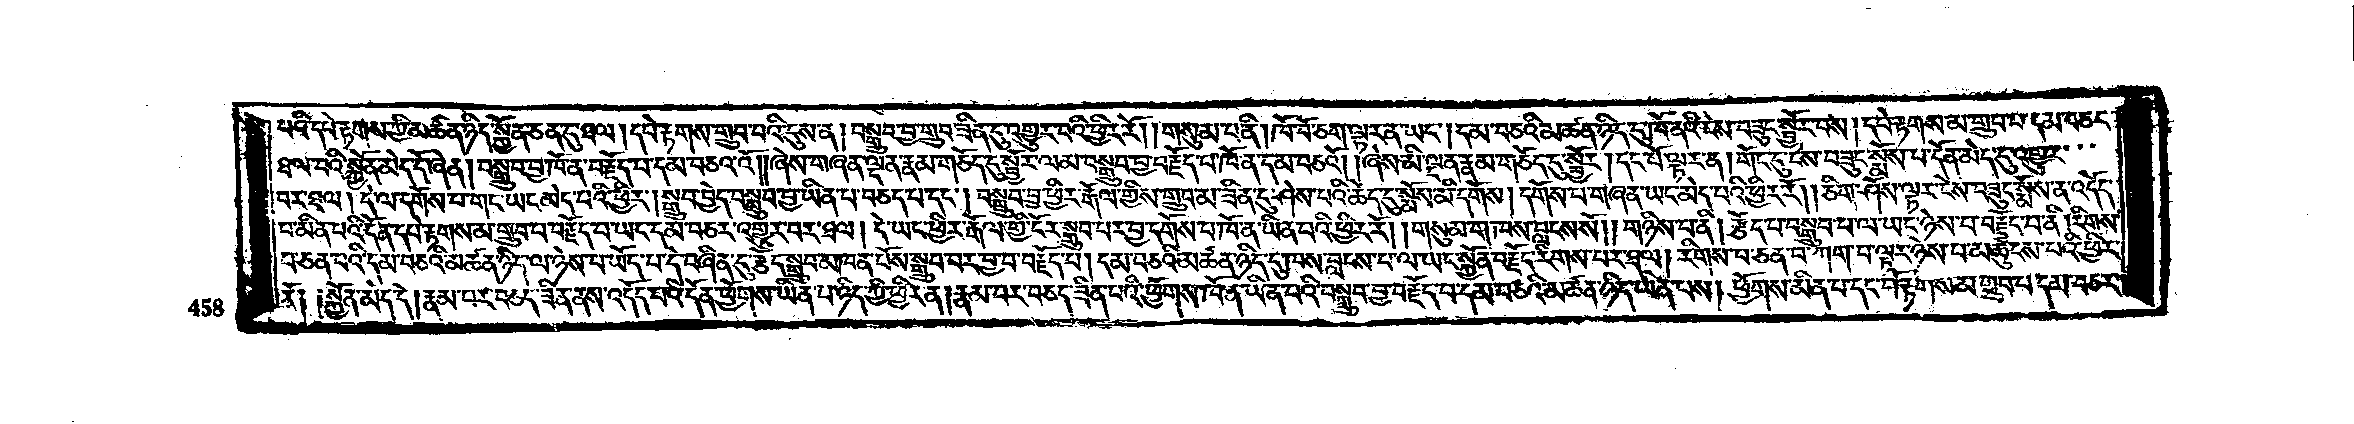པའི་དཔེ་རྟགས་ཀྱི་མཚན་ཉིད་སྐྱོན་ཅན་དུ་ཐལ། དཔེ་རྟགས་གྲུབ་པའི་དུས་ན། བསྒྲུབ་བྱ་གྲུབ་ཟིན་དུ་འགྱུར་བའི་ཕྱིར་རོ། །གསུམ་པ་ནི། ཁོ་བོ་ཅག་ལྟར་ན་ཡང་། དམ་བཅའི་མཚན་ཉིད་དུ་ཁོ་ནའི་ངེས་བཟུང་སྦྱོར་བས། དཔེ་རྟགས་མ་གྲུབ་པ་དམ་བཅས་
ཐལ་བའི་སྐྱོན་མེད་དོ་ཞེ་ན། བསྒྲུབ་བྱ་ཁོ་ན་བརྗོད་པ་དམ་བཅའ་འོ། །ཞེས་གཞན་ལྡན་རྣམ་གཅོད་དུ་སྦྱོར་ལམ་བསྒྲུབ་བྱ་བརྗོད་པ་ཁོ་ན་དམ་བཅའོ། །ཞེས་མི་ལྡན་རྣམ་གཅོད་དུ་སྦྱོར། དང་པོ་ལྟར་ན། གོང་དུ་ངེས་བཟུང་སྨོས་པ་དོན་མེད་དུ་འགྱུར་
པར་ཐལ། དེ་ལ་དགོས་པ་གང་ཡང་མེད་པའི་ཕྱིར། སྒྲུབ་བྱེད་བསྒྲུབ་བྱ་ཡིན་པ་བཅད་པ་དང་། བསྒྲུབ་བྱ་ཕྱིར་རྒོལ་གྱིས་གྲུབ་མ་ཟིན་དུ་ཤེས་པའི་ཆེད་དུ་སྨོས་མི་དགོས། དགོས་པ་གཞན་ཡང་མེད་པའི་ཕྱིར་རོ། །ཅིག་ཤོས་ལྟར་ངེས་བཟུང་སྨོས་ན་འདོད་
པ་མིན་པའི་དོན་དཔེ་རྟགས་མ་གྲུབ་པ་བརྗོད་པ་ཡང་དམ་བཅར་འགྱུར་བར་ཐལ། དེ་ཡང་དམ་བཅར་འགྱུར་པར་ཐལ། དེ་ཡང་ཕྱིར་རྒོལ་གྱི་ངོར་སྒྲུབ་པར་བྱ་དགོས་པ་ཁོ་ན་ཡིན་པའི་ཕྱིར་རོ། །གསུམ་ག་ཁས་བླངས་སོ། །གཉིས་པ་ནི། རྩོད་པ་བསྒྲུབ་པ་ལ་ཡང་ཉེས་པ་བརྗོད་པ་ནི། རིགས་
པ་ཅན་པའི་དམ་བཅའི་མཚན་ཉིད་ལ་ཉེས་པ་ཡོད་པ་དེ་བཞིན་དུ་རྩོད་སྒྲུབ་མཁན་པོས་སྒྲུབ་བར་བྱ་བ་བརྗོད་པ། དམ་བཅའི་མཚན་ཉིད་དུ་ཁས་བླངས་པ་ལ་ཡང་སྐྱོན་བརྗོད་རིགས་པར་ཐལ། རིགས་པ་ཅན་བ་བཀག་པ་ལྟར་ཉེས་པ་མཚུངས་པའི་ཕྱིར་
ནོ༑ ༑སྐྱོན་མེད་དེ། རྣམ་པར་བཅད་ཟིན་ནས་འདོད་པའི་དོན་ཕྱོགས་ཡིན་པ་ཉིད་ཀྱི་ཕྱིར་ན། རྣམ་པར་བཅད་ཟིན་པའི་ཕྱོགས་ཁོ་ན་ཡིན་པའི་བསྒྲུབ་བྱ་བརྗོད་པ་དམ་བཅའི་མཚན་ཉིད་ཡིན་པས། ཕྱོགས་མིན་པ་དང་པོ་རྟགས་མ་གྲུབ་པ་དམ་བཅར་